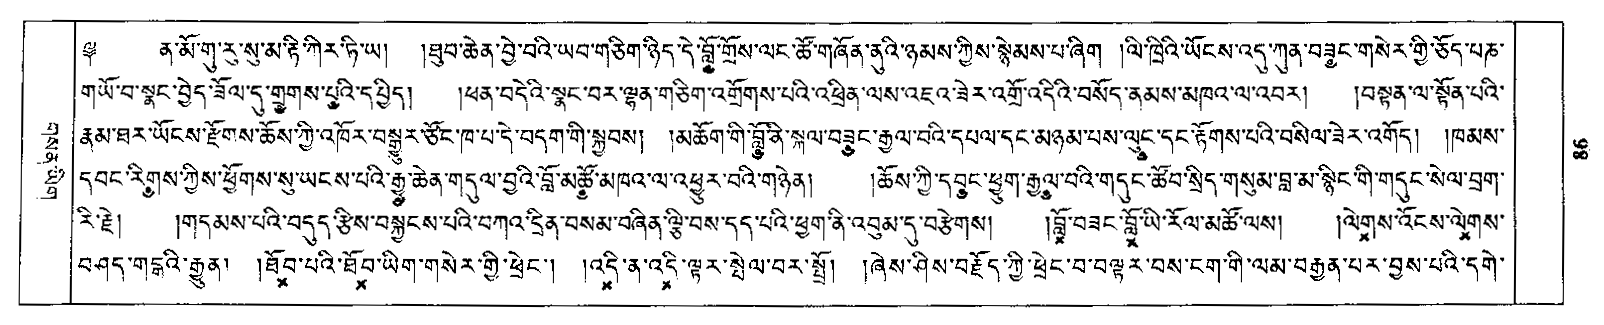༈ ན་མོ་གུ་རུ་སུ་མ་རྟི་ཀིར་ཏི་ཡ། །ཐུབ་ཆེན་བྱེ་བའི་ཡབ་གཅིག་ཉིད་དེ་བློ་གྲོས་ལང་ཚོ་གཞོན་ནུའི་ཉམས་ཀྱིས་སྙེམས་པ་ཞིག །ལི་ཁྲིའི་ཡོངས་འདུ་ཀུན་བཟང་གསེར་གྱི་ཅོད་པཎ་
གཡོ་བ་སྣང་བྱེད་ཟོལ་དུ་གྲགས་པའི་དཔྱིད། །ཕན་བདེའི་སྣང་བར་ལྷན་གཅིག་འགྲོགས་པའི་འཕྲིན་ལས་འཇའ་ཟེར་འགྲོ་འདིའི་བསོད་ནམས་མཁའ་ལ་འབར། །བསྟན་ལ་སྟོན་པའི་
རྣམ་ཐར་ཡོངས་རྫོགས་ཆོས་ཀྱི་འཁོར་བསྒྱུར་ཙོང་ཁ་པ་དེ་བདག་གི་སྐྱབས། །མཆོག་གི་བློ་ནི་སྐལ་བཟང་རྒྱལ་བའི་དཔལ་དང་མཉམ་པས་ལུང་དང་རྟོགས་པའི་བསིལ་ཟེར་འགོད། །ཁམས་
དབང་རིགས་ཀྱིས་ཕྱོགས་སུ་ཡངས་པའི་རྒྱ་ཆེན་གདུལ་བྱའི་བློ་མཚོ་མཁའ་ལ་འཕྱུར་བའི་གཉེན། །ཆོས་ཀྱི་དབང་ཕྱུག་རྒྱལ་བའི་གདུང་ཚོབ་སྲིད་གསུམ་བླ་མ་སྙིང་གི་གདུང་སེལ་བྲག་
རི་རྗེ། །གདམས་པའི་བདུད་རྩིས་བསྐྱངས་པའི་བཀའ་དྲིན་བསམ་བཞིན་ལྕི་བས་དད་པའི་ཕྱག་ནི་འབུམ་དུ་བརྩེགས། །བློ་བཟང་བློ་ཡི་རོལ་མཚོ་ལས། །ལེགས་འོངས་ལེགས་
བཤད་གངྒའི་རྒྱུན། །ཐོབ་པའི་ཐོབ་ཡིག་གསེར་གྱི་ཕྲེང་། །འདི་ན་འདི་ལྟར་སྤེལ་བར་སྤྲོ། །ཞེས་ཤིས་བརྗོད་ཀྱི་ཕྲེང་བ་བལྟར་བས་ངག་གི་ལམ་བརྒྱན་པར་བྱས་པའི་དགེ་